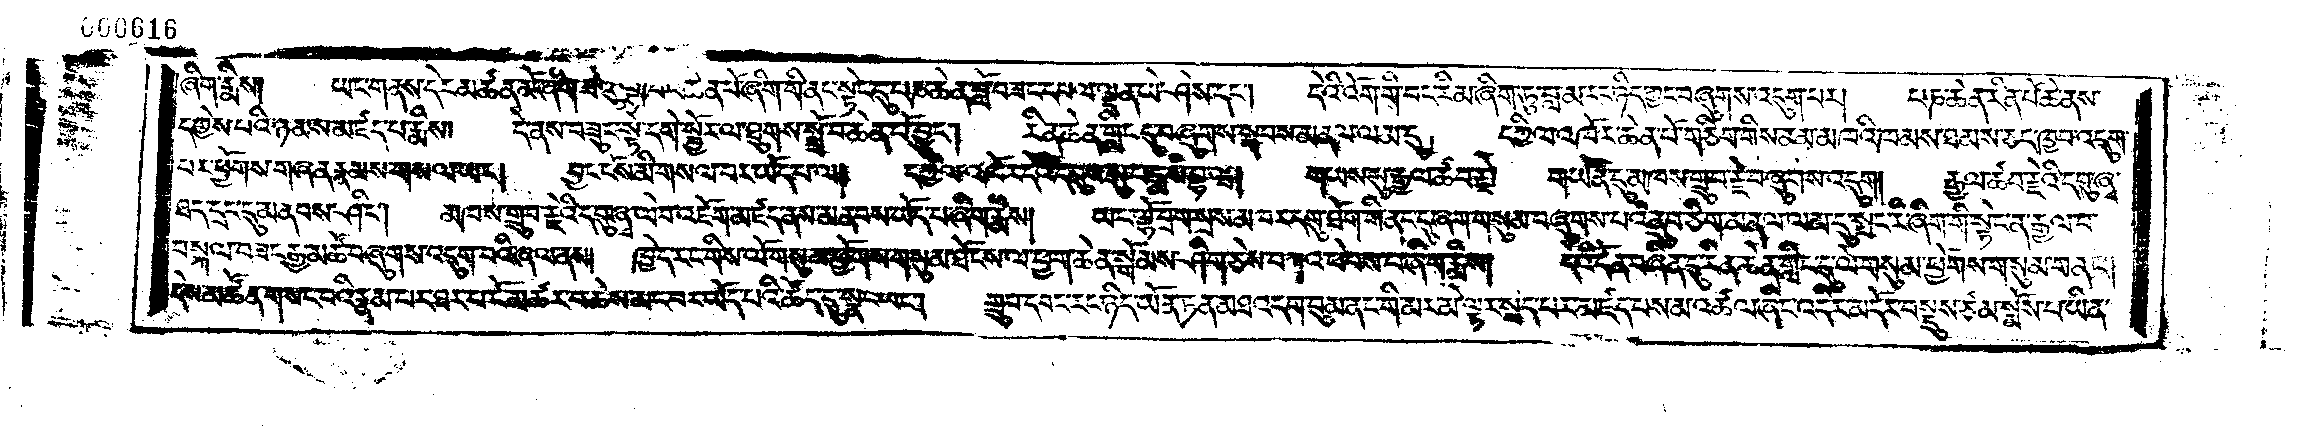ཞིག་རྨིས། ཡང་གནས་དེར་མཚན་མོ་ཞིག་ཟེའུ་ལྷ་ཁང་ཆེན་པོ་ཞིག་གི་ནང་སྟེང་དུ་པཎ་ཆེན་བློ་བཟང་དཔལ་ལྡན་ཡེ་ཤེས་དང་། དེའི་འོག་གི་བང་རིམ་ཞིག་ཏུ་བླ་མ་རང་ཉིད་ཀྱང་བཞུགས་འདུག་པར། པཎ་ཆེན་རིན་པོ་ཆེ་ནས་
དགྱེས་པའི་ཉམས་མཛད་པ་རྨིས། དེ་ནས་བཟུང་སྟེ་དགེ་སྦྱོར་ལ་ཐུགས་སྤྲོ་བ་ཆེན་པོ་བྱུང་། རིན་ཆེན་གླིང་དུ་བཞུགས་སྐབས་མནལ་ལམ་དུ། དཀྱིལ་འཁོར་ཆེན་པོ་གཅིག་གིས་ནམ་མཁའི་ཁམས་ཐམས་ཅད་ཁྱབ་འདུག་
པར་ཕྱོགས་གཞན་རྣམས་གསལ་ཡང་། བྱང་ངོས་མི་གསལ་བར་ཡོད་པ་ལ། དཀྱིལ་འཁོར་དེའི་དབུས་སུ་པདམ་སཾ་བྷ་ཝ། གཡས་སུ་རྒྱལ་ཚབ་རྗེ། གཡོན་དུ་མཁས་གྲུབ་རྗེ་བཞུགས་འདུག། རྒྱལ་ཚབ་རྗེའི་དབུ་ཞྭ་
ཐད་དྲང་དུ་མནབས་ཤིང་། མཁས་གྲུབ་རྗེའི་དབུ་ཞྭ་ལེབ་འཇོག་མཛད་ནས་མནབས་ཡོད་པ་ཞིག་རྨིས། ཡང་ལྷོ་བྲག་སྲས་མཁར་དགུ་ཐོག་གི་ནང་དུ་ཞག་གསུམ་བཞུགས་པའི་ནུབ་ཅིག་མནལ་ལམ་དུ་སྤང་རི་ཞིག་གི་སྟེང་ན་རྒྱལ་བ་
བསྐལ་བཟང་རྒྱ་མཚོ་བཞུགས་འདུག་བའི་ཞལ་ནས། ཁྱེད་རང་གིས་ལོ་གསུམ་ཕྱོགས་གསུམ་ཐོངས་ལ་ཕྱག་ཆེན་སྒོམས་ཤིག་ཅེས་བཀའ་ཕེབས་པ་ཞིག་རྨིས། དེའི་དོན་བཞིན་དུ་རིན་ཆེན་གླིང་དུ་ལོ་གསུམ་ཕྱོགས་གསུམ་གནང་།
ངེས་མཚོན་གསང་བའི་རྣམ་པར་ཐར་པ་ངོ་མཚར་བ་ཆེས་མང་བར་ཡོད་པའི་ཚོད་དུ་སྣང་ཡང་། གྲུབ་དབང་རང་ཉིད་ཡོན་ཏན་མཐའ་དག་བུམ་ནང་གི་མར་མེ་ལྟར་སྦེད་པར་མཛད་པས་མ་འཚལ་ཞིང་འདིར་མདོར་བསྡུས་ཙམ་སྨོས་པ་ཡིན་